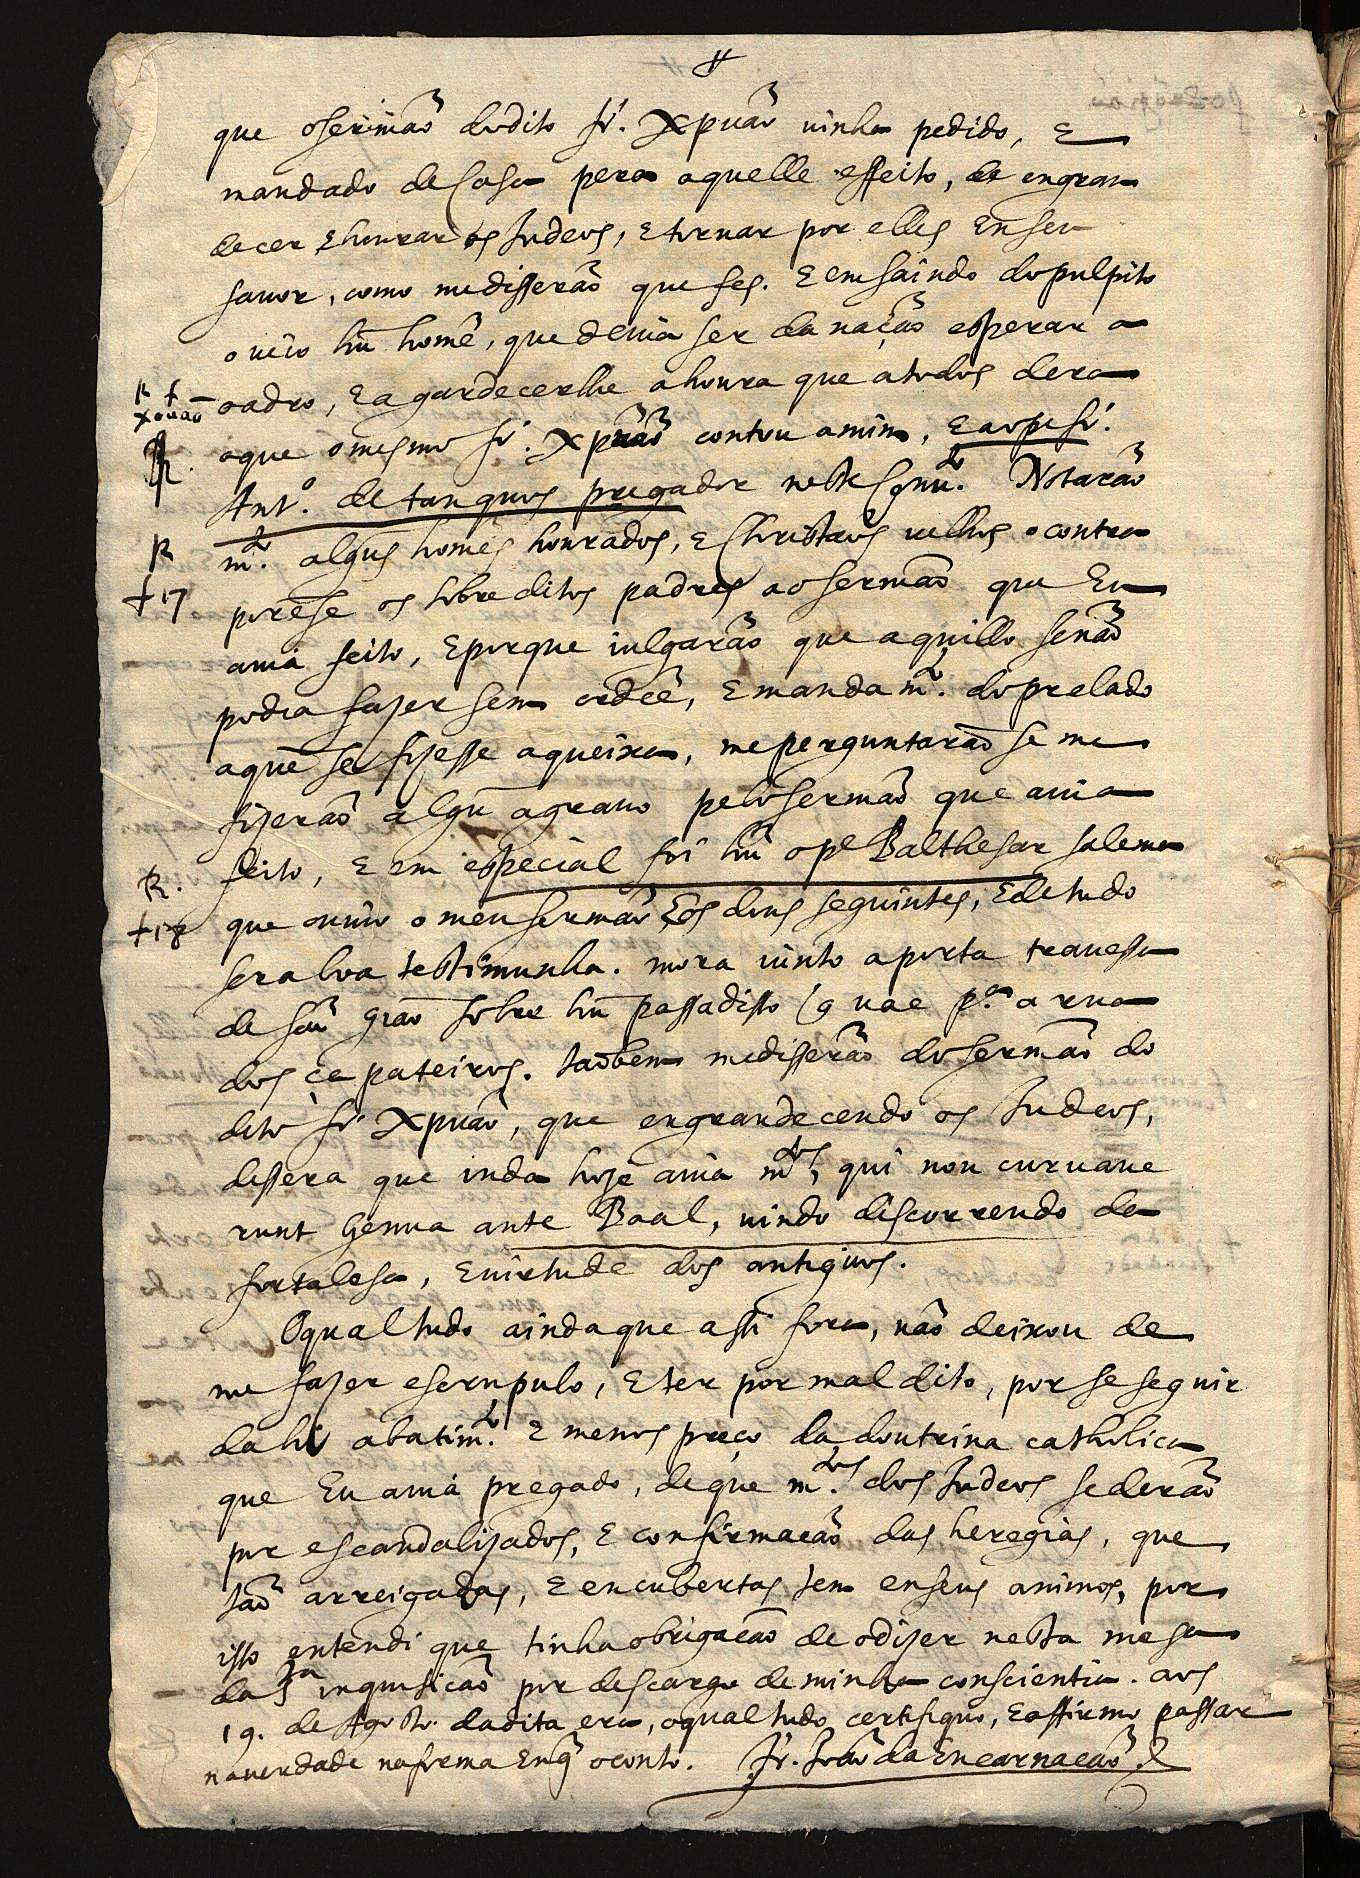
que o sermaõ do dito fr. Xpuaõ uinha pedido, E
mandado de Casa pera aquelle effeito, de engran
decer, E honrar os Judeos, E tornar por elles En seu
fauor, como me disseraõ que fes. E em saindo do pulpito
o ueio hū homē, que deuia ser da naçaõ esperar a
o adro, E agardecerlhe a honra que a todos dera
o que o mesmo fr. Xpuãõ contou a mim, E ao pe fr.
Anto. de tanquos pregador neste Conuto. Notaraõ
mto. algūs homes honrados, E Christaõs uelhos o contra
porēse os sobreditos padres ao sermão que Eu
auia feito, E porque iulgarão que aquillo se não
podia fazer sem ordeē, E mandamto do prelado
a quē se fizesse a queixa, me perguntarão se me
fizeraõ algū agrauo pelo sermaõ que auia
feito, E em especial foi hū o pe Balthesar salema
que ouuio o meu sermaõ, E os dous seguintes, E de tudo
sera boa testimunha. mora iunto a porta trauessa
de saõ giaõ sobre hū passadisso q̄ uae p.a a rua
dos çapateiros. taõbem me disserão do sermão do
dito fr. Xpuaõ, que engrandecendo os Iudeos,
dissera que inda hoje auia mtos, qui non curuaue
runt genua ante Baal, uindo discurrendo da
fortalesa, E uirtude dos antiguos.
O qual tudo ainda que assi fora, naõ deixou de
me fazer escrupulo, E ter por mal dito, por se seguir
dahi abatimto. E menospreço da doutrina catholica
que Eu auia pregado, de que mtos. dos Judeos se deraõ
por escandalizados, E confirmacaõ das heregias, que
taõ arreigadas, E encubertas tem em seus animos, por
isso entendi que tinha obrigacão de dizer nesta mesa
da sta inquisicão por descargo de minha conscientia. aos
19. de Agosto da dita era, o qual tudo certifiquo, E affirmo passar
na uerdade na forma Em q̄ o conto.
R f
xouaõ
R.
R
f 17
R.
f 18
